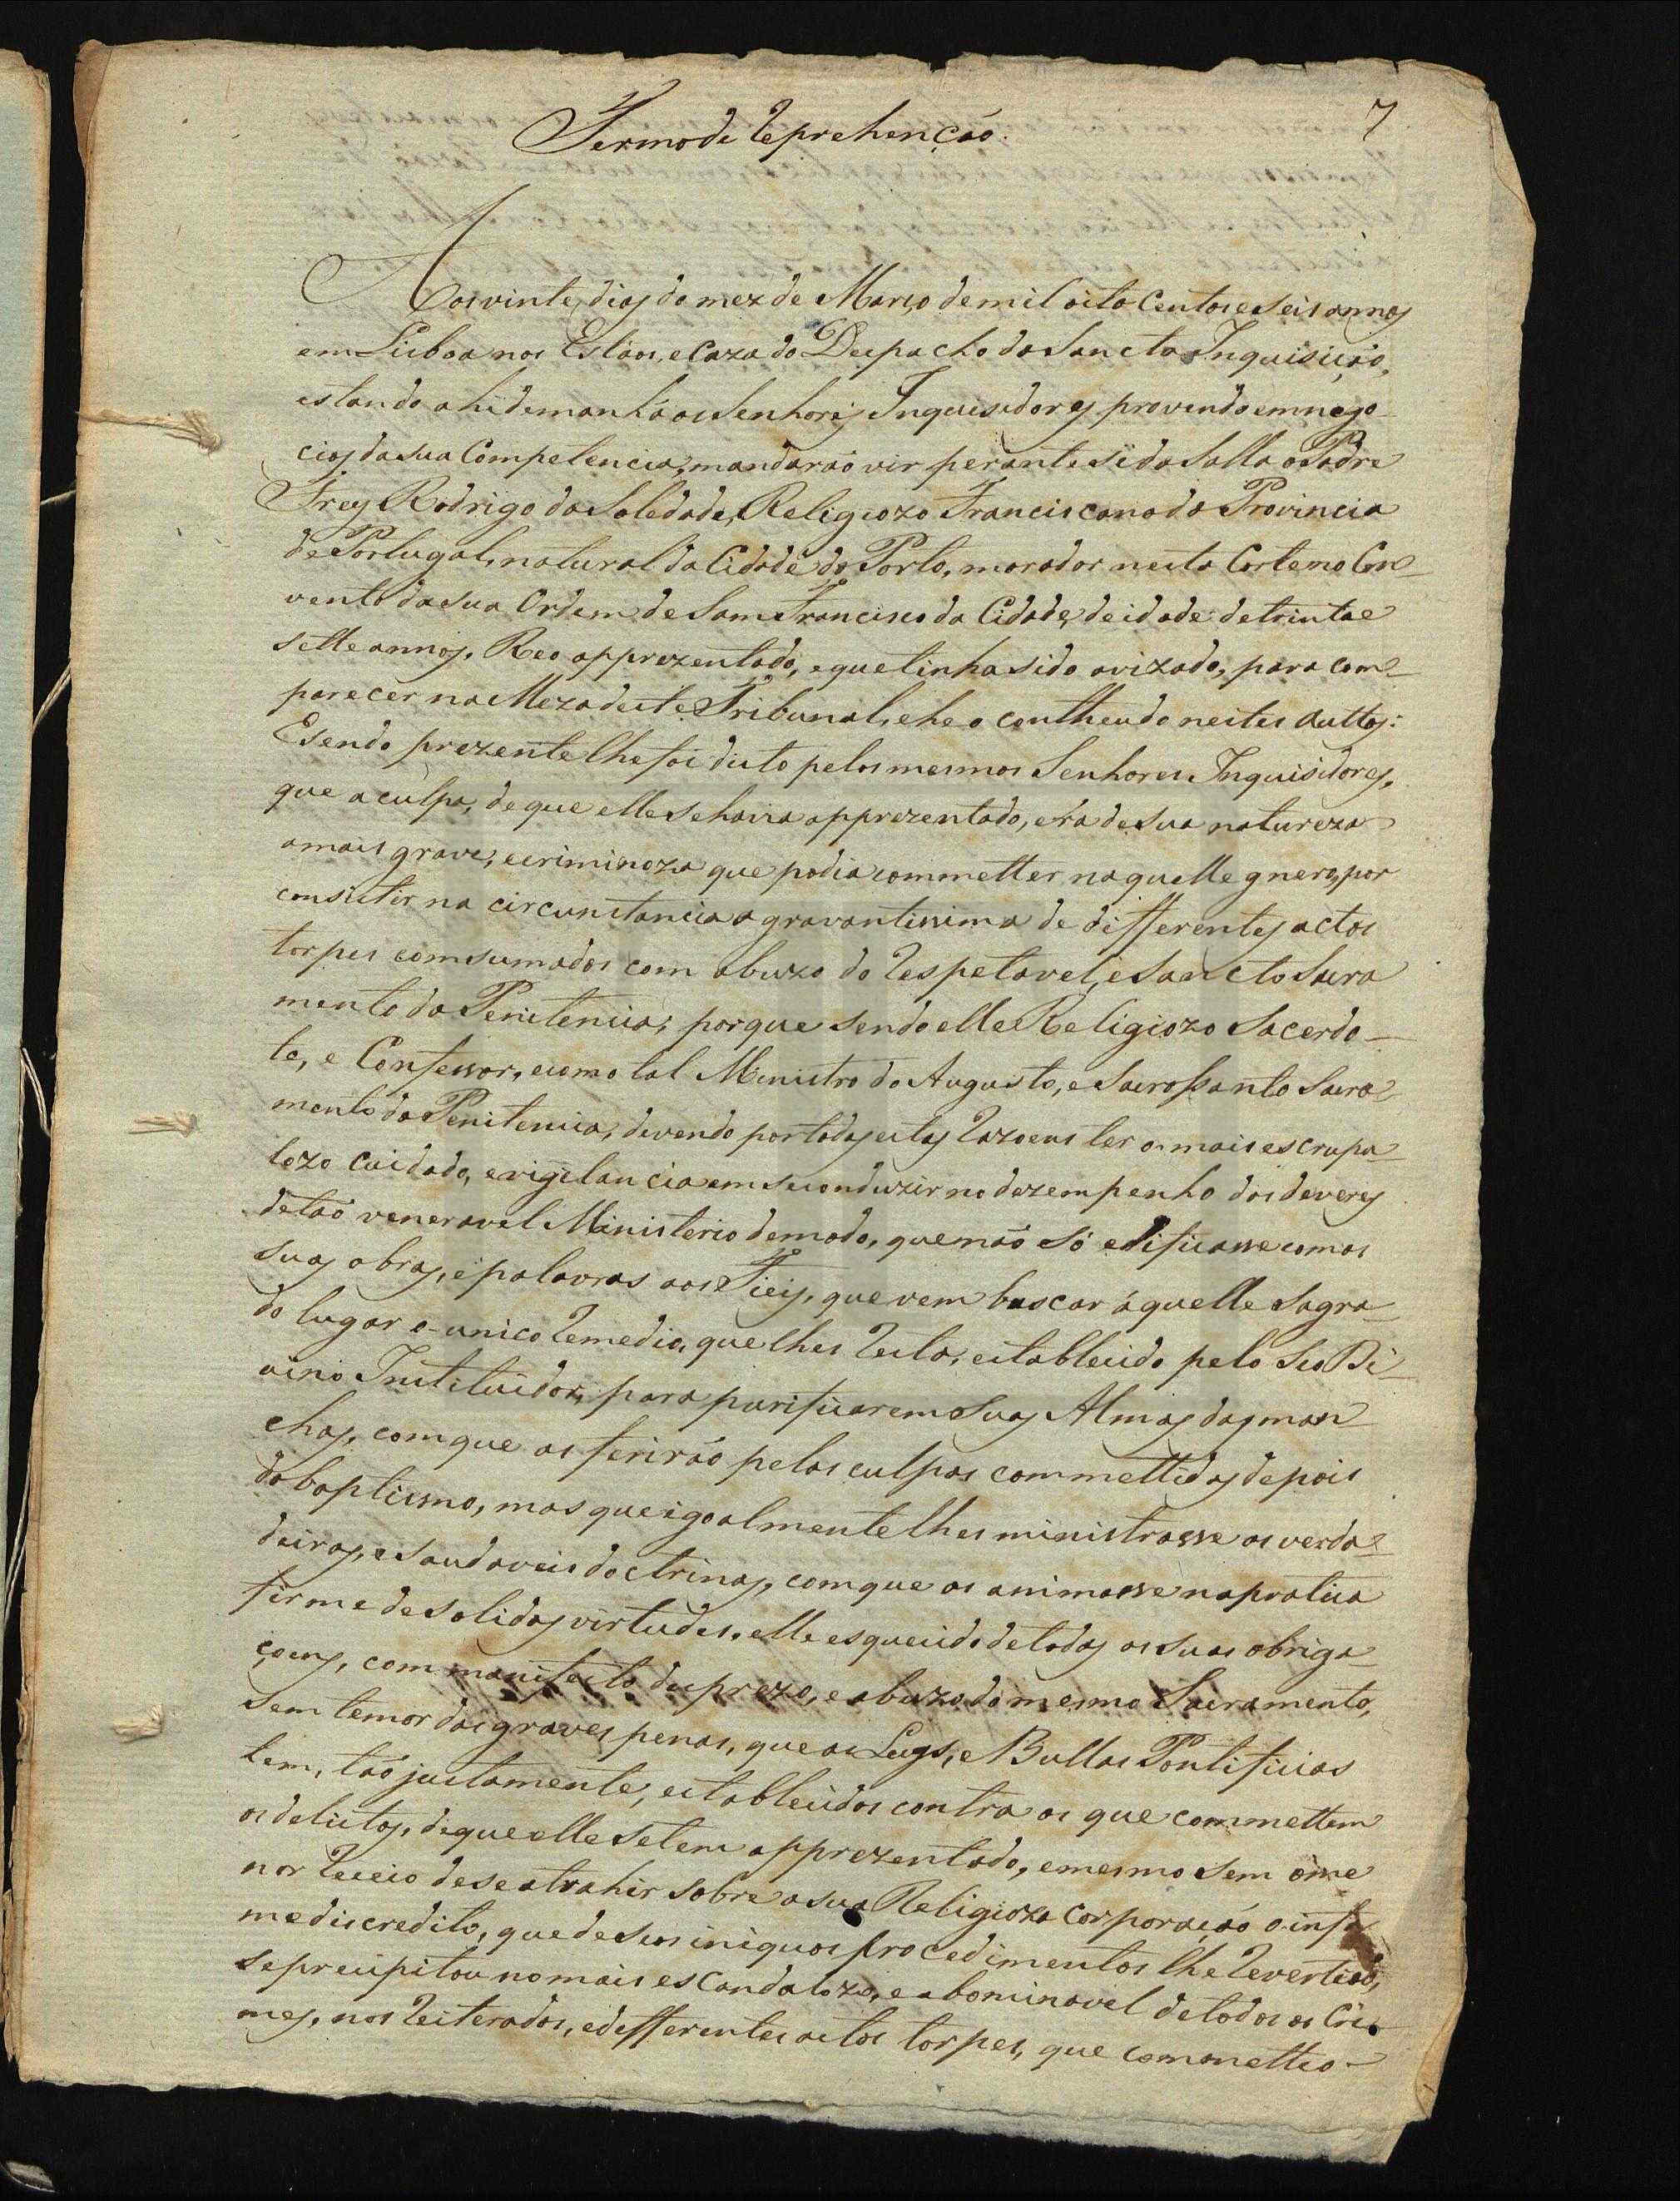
Termo de Reprehençaõ.
Aos vintes dias do mez de Março de mil oitocentos e seis annos
em Lisboa nos Estáos, e Caza do Despacho da Sancta Inquisiçaõ,
estando ahi de manhã os Senhores Inquisidores provendo em nego
cios da sua Competencia, mandaraõ vir perante si da Salla o Padre
Frey Rodrigo da Saledade, Religiozo Franciscano da Provincia
de Portugal, natural da Cidade do Porto, morador nesta Corte no Con
vento da sua Ordem de Sam Francisco da Cidade, de idade de trinta e
sette annos. Reo apprezentado, e que tinha sido avizado, para com
parecer na Meza deste Tribunal, e he o contheudo nestes auttos:
E sendo prezente lhe foi dicto pelos mesmos Senhores Inquisidores,
que a culpa, de que elle se havia apprezentado, era de sua natureza
a mais grave, e criminoza que podia commetter naquelle gnero, por
consistir na circunstancia a gravantissima de differentes actos
torpes comsumados com abuzo do Respetavel, e Sancto Iura
mento da Penitencia, porque sendo elle Religiozo Sacerdo
te, e Confessor, e como tal Ministro do Augusto, e Sacrossanto Sacra
mento da Penitencia, devendo por todas estas Razoens ter os mais escrupo
lozo cuidado, e vigilancia em se conduzir no dezempenho dos deveres
de taõ veneravel Ministerio de modo, que naõ só edificasse com as
suas obras, e palavras aos Fieis, que vem buscar áquelle Sagra
do lugar o unico Remedio, que lhes Resta, establecido pelo Seo Di
vino Instituidor, para purificarem suas Almas das man
chas, com que as feriraõ pelas culpas commettidas depois
do baptismo, mas que igoalmente lhes ministrasse as verda
deiras, e saudaveis doctrinas, com que as animasse na pratica
firme de solidas virtudes, elle esquecido de todas as suas obriga
çoens, com manifesto deprezo, e abuzo do mesmo Sacramento,
sem temor das graves penas, que as Leys, e Bullas Pontificias
tem, taõ justamente, establecidas contra os que commettem
os delictos, de que elle se tem apprezentado, e mesmo sem o me
nor Receio de se atrahir sobre a sua Religioza corporaçaõ o infa
me discredito, que de seos iniquos procedimentos lhe Revertiao,
se precipitou no mais escandalozo, e abominavel de todos os Cri
mes, nos Reiterados, e defferentes actos torpes, que commetteo
